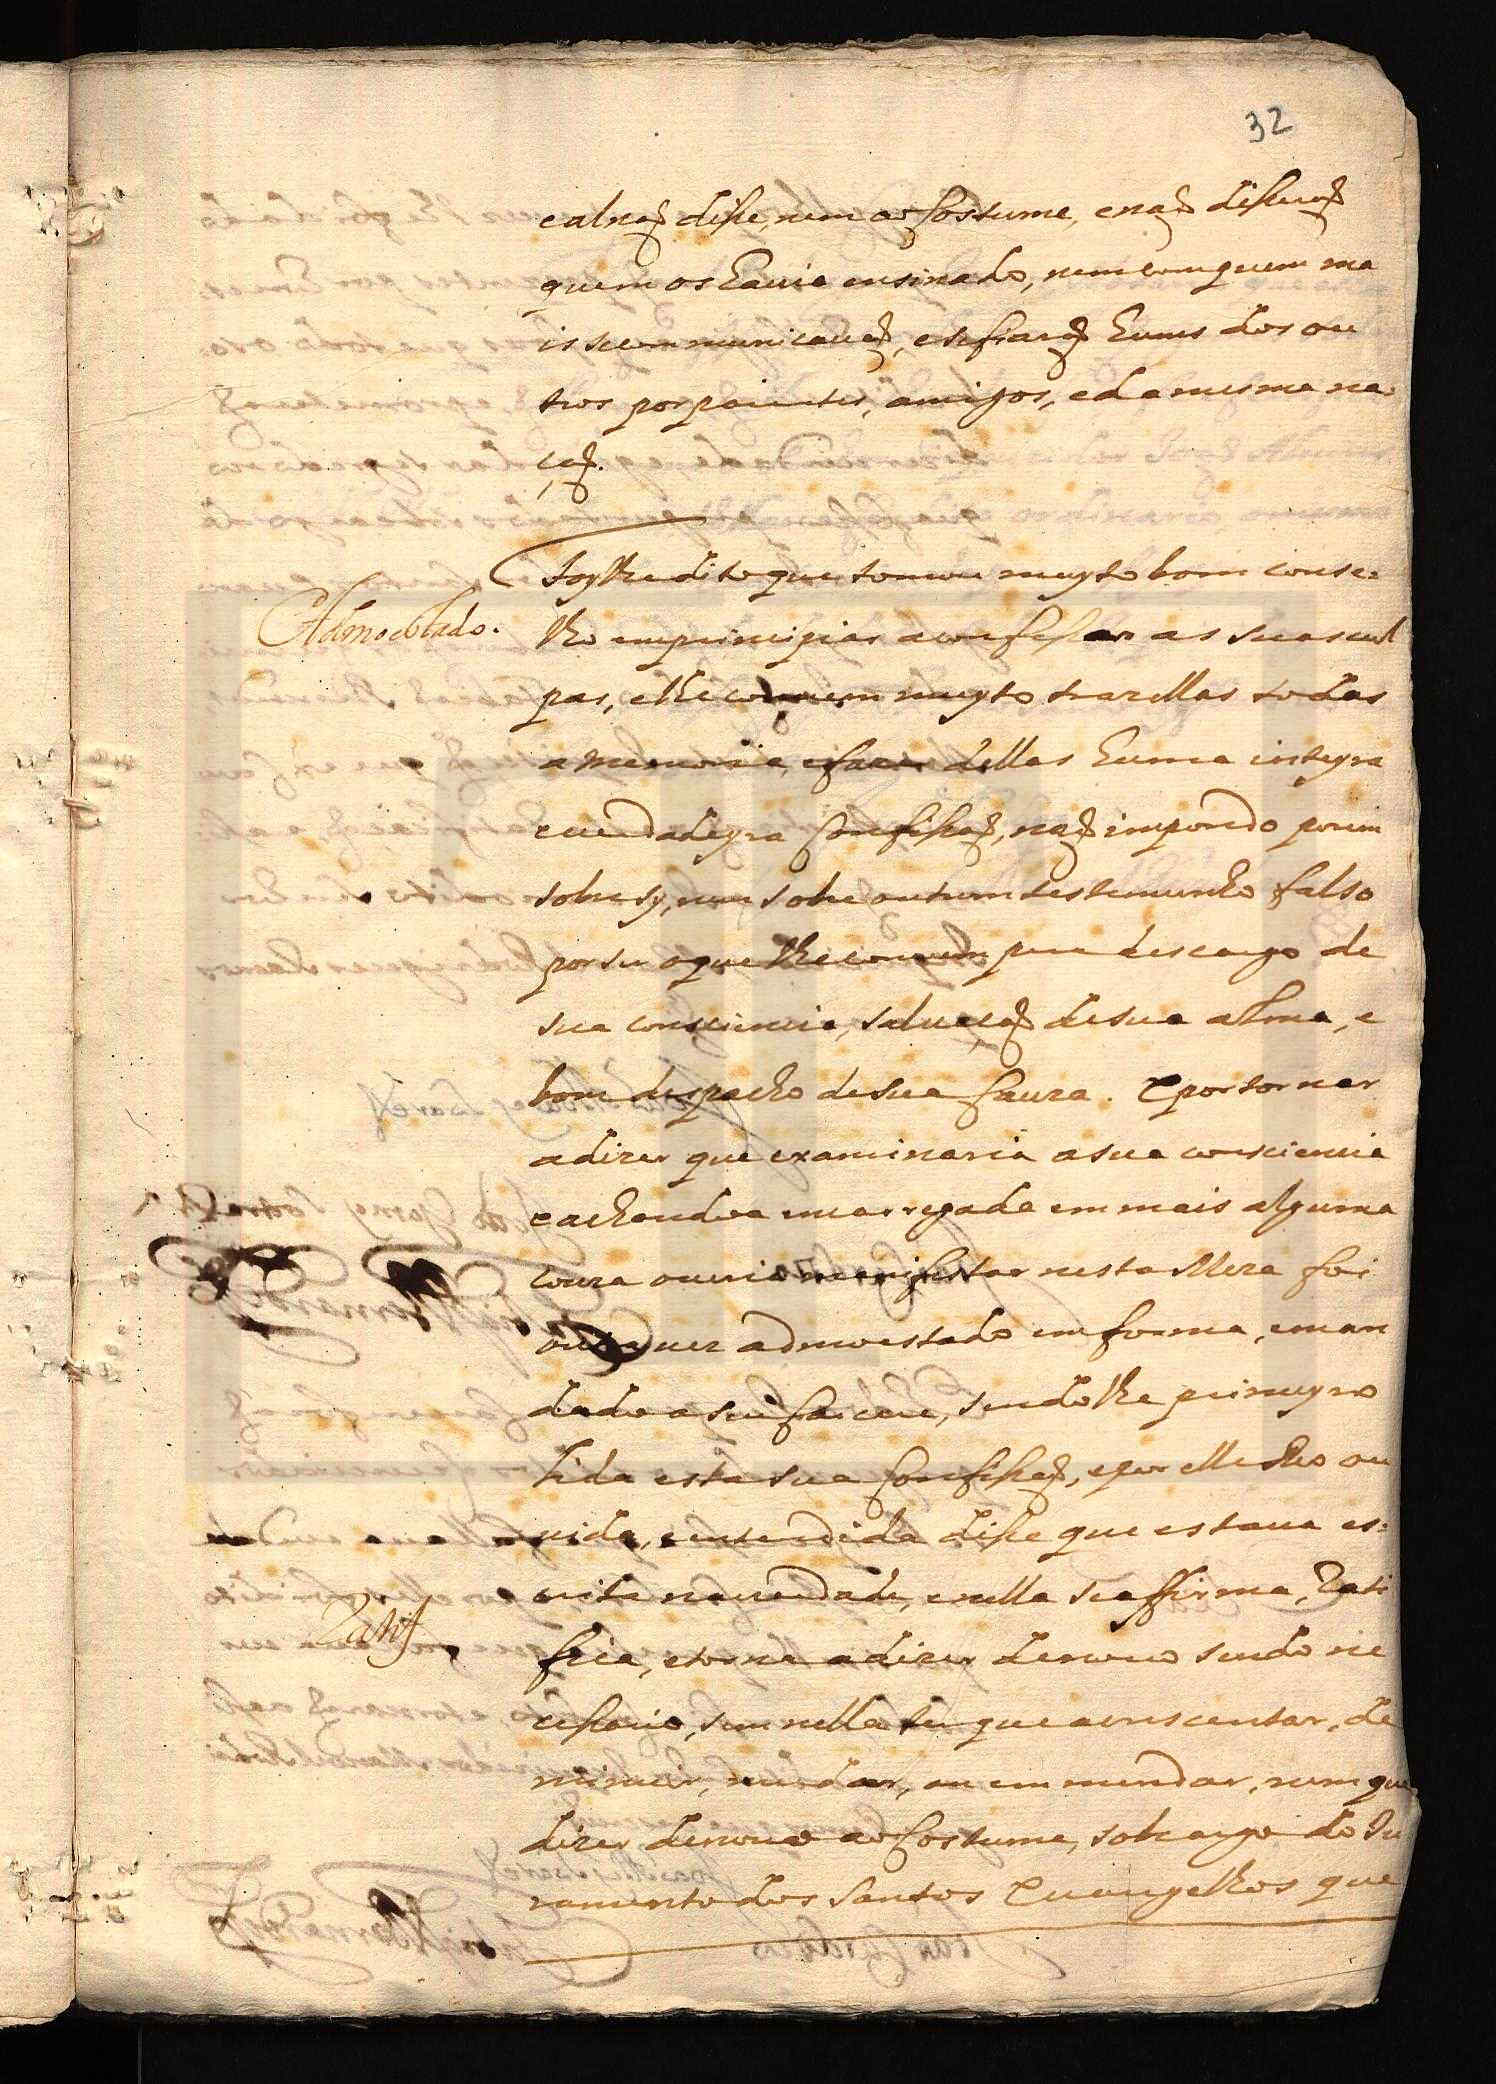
Admoestado.
Ratif
e al naõ disse, nem ao Costume, e naõ disseraõ
quem os hauia ensinado, nem com quem ma
is se communicauaõ, e se fiaraõ hums dos ou
tros por parentes, amigos, e da mesma na
çaõ.
Foylhe dito que tomou muyto bom conse
lho em principiar a confessar as suas cul
pas, e lhe conuem muyto trazellas todas
a memoria, e fazer dellas huma inteyra
e uerdadeyra Confissão, naõ impondo porem
sobre sy, nem sobre outrem testemunho falso
por ser o que lhe conuem pera descargo de
sua consciencia, saluaçaõ de sua alma, e
bom despacho de sua Cauza. E por tornar
a dizer que examinaria a sua consciencia
e achandoa encarregada em mais alguma
couza o ueio manifestar nesta Meza foi
outra uez admoestado em forma, e man
dado a seu Carcere, sendo lhe primeyro
lida esta sua Confissaõ, e por elle Reo ou
uida, e entendida disse que estaua es
crita na uerdade, e nella se affirma, rati
fica, e torna a dizer de nouo sendo ne
cessario, sem nella ter que acrescentar, de
minuir, mudar, encommendar, nem que
dizer de nouo ao Costume, sob cargo do Iu
ramento dos Santos Euangelhos que
